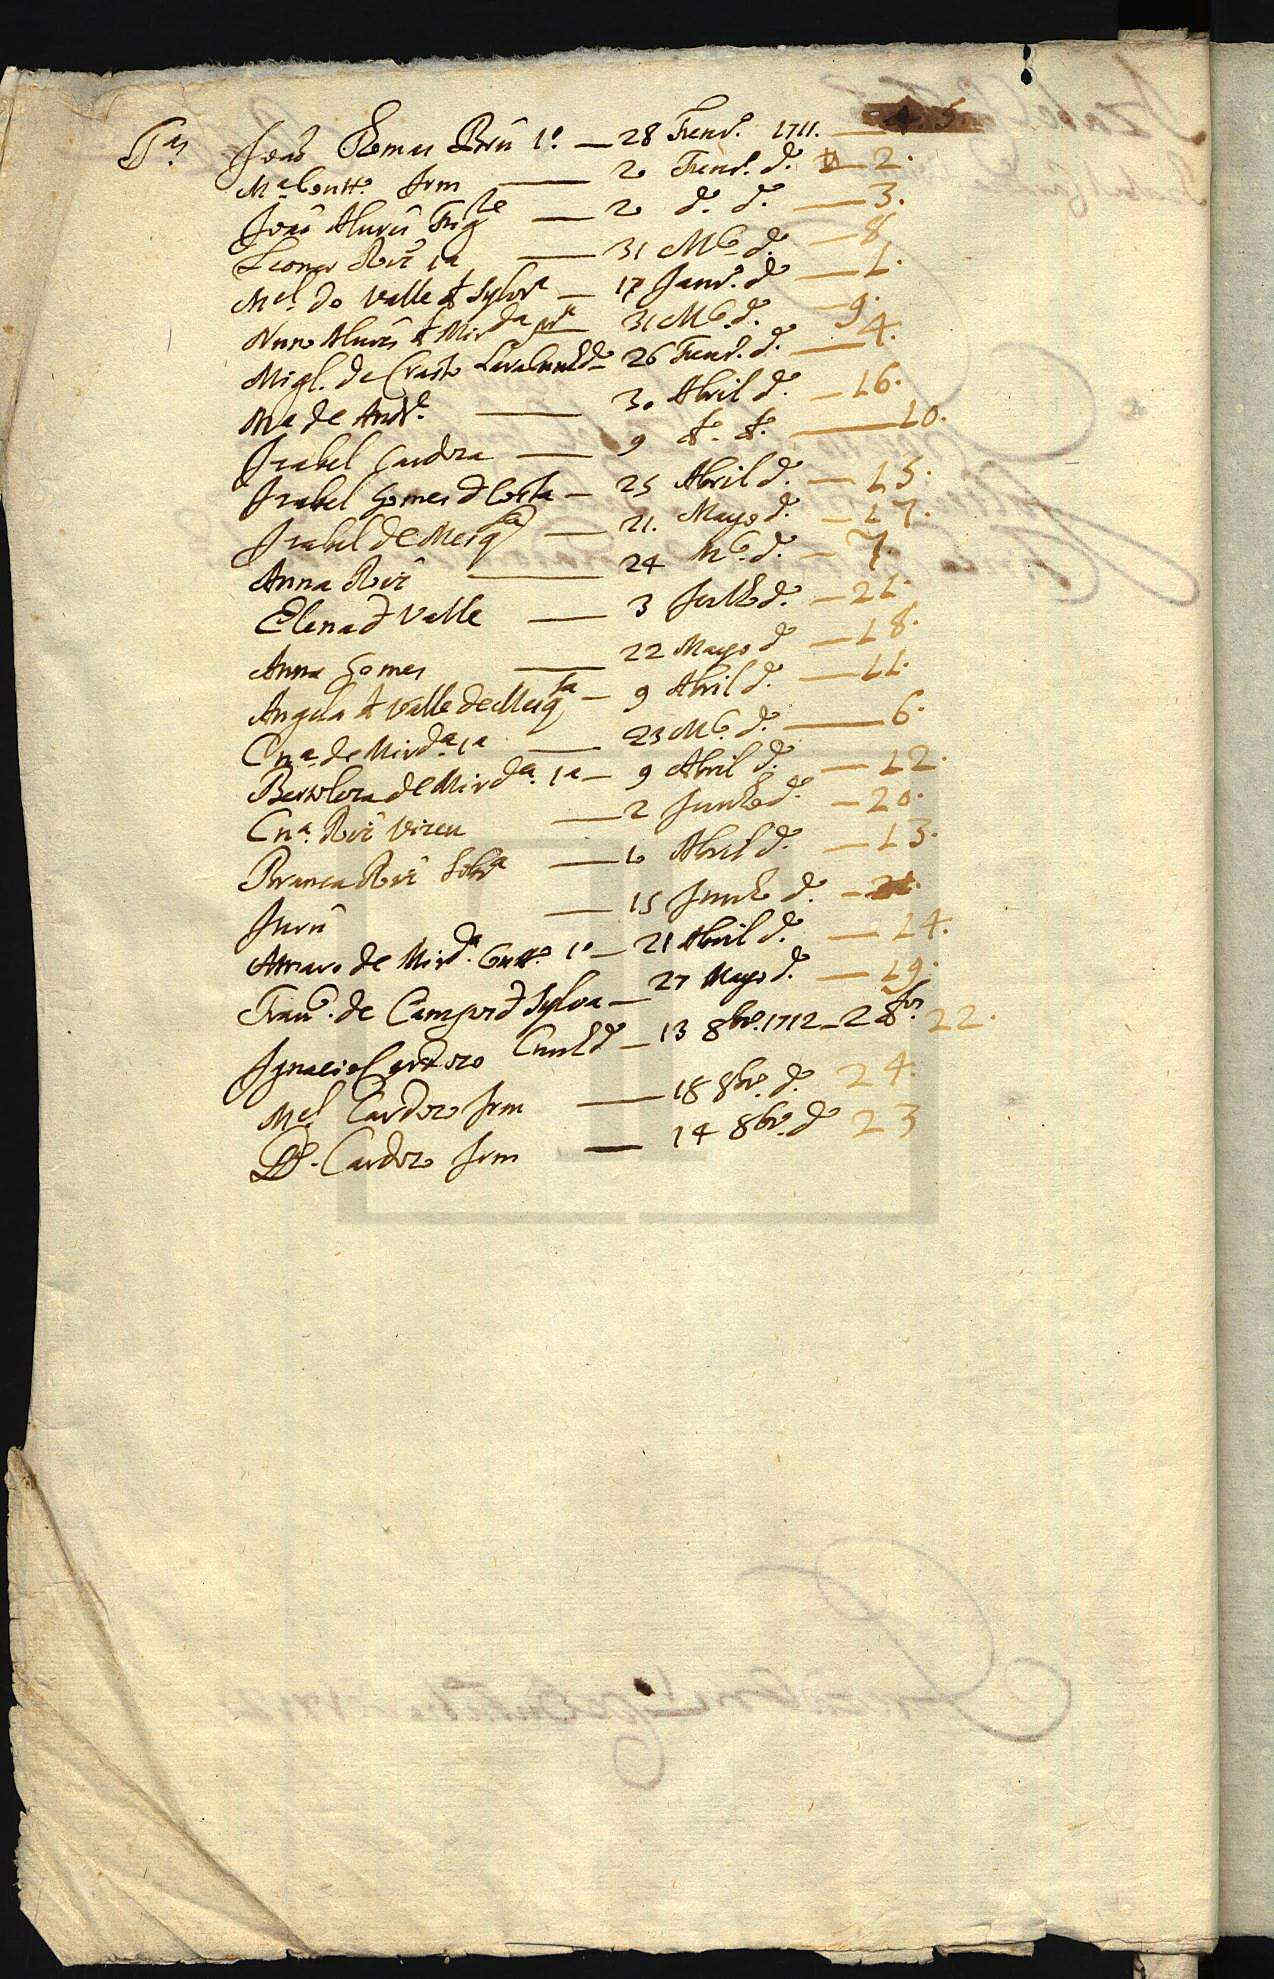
T.as
Joaõ Thomas Braz 1º - 28 Feur.o 1711. - 4.5
Ma. Contt.o Jrm. - 20 Feur. d.o - 22.
Joaõ Alurez̄ Trig.ro 20 d.o d.o - 3.
Leonor Roiz̄ 1a - 31 M.co d.o - 8
Mel. do Valle d̄ Sylvra - 17 Janr.o do - 1.
Nuno Alurēs d̄ Mir.da pr.a - 31 M.co d.o - 9
Migl. de Crasto Lara Cunhd.o - 26 Feur.o d.o - 4.
Ma de Andr.e - 30 Abril d.o - 16.
Jzabel Cardoza - 9 d̄.o d̄.o - 10.
Jzabel Gomes d Costa - 25 Abril d.o - 13.
Jzabel de Mesq.ta - 21. Mayo d.o - 17
Anna Roiz̄ - 24 M.co d.o - 7.
Elena d̄ Valle - 3 Julho d.o - 21.
Anna Gomes - 22 Mayo d.o - 18.
Angela d̄. valle de Mesq.ta - 9 Abril d.o - 11.
Cn.a de Mird.a 1a. - 23 M.co d.o - 6.
Bertoloza de Mird.a 1a. - 9 Abril d.o - 12.
Cna. Roiz̄ vizeu - 2 Junho d.o - 20.
Branca Roiz̄ soltr.a - 10 Abril d.o - 13.
Jurn̄ - 15 Junho d.o
Amaro de Mird.a Coutt.o 1º - 21 Abril d.o - 24.
Franc.o de Campos d̄ Sylva - 27 Mayo d.o - 29.
Jgnacio Cardozo Cunhd.o J - 13 8bro. 1712 - 2 d̄os. 22.
M.el Cardozo Jrm - 18 8.bro d.o 24.
D.o Cardozo Jrm - 14 8bro. d.o - 23
